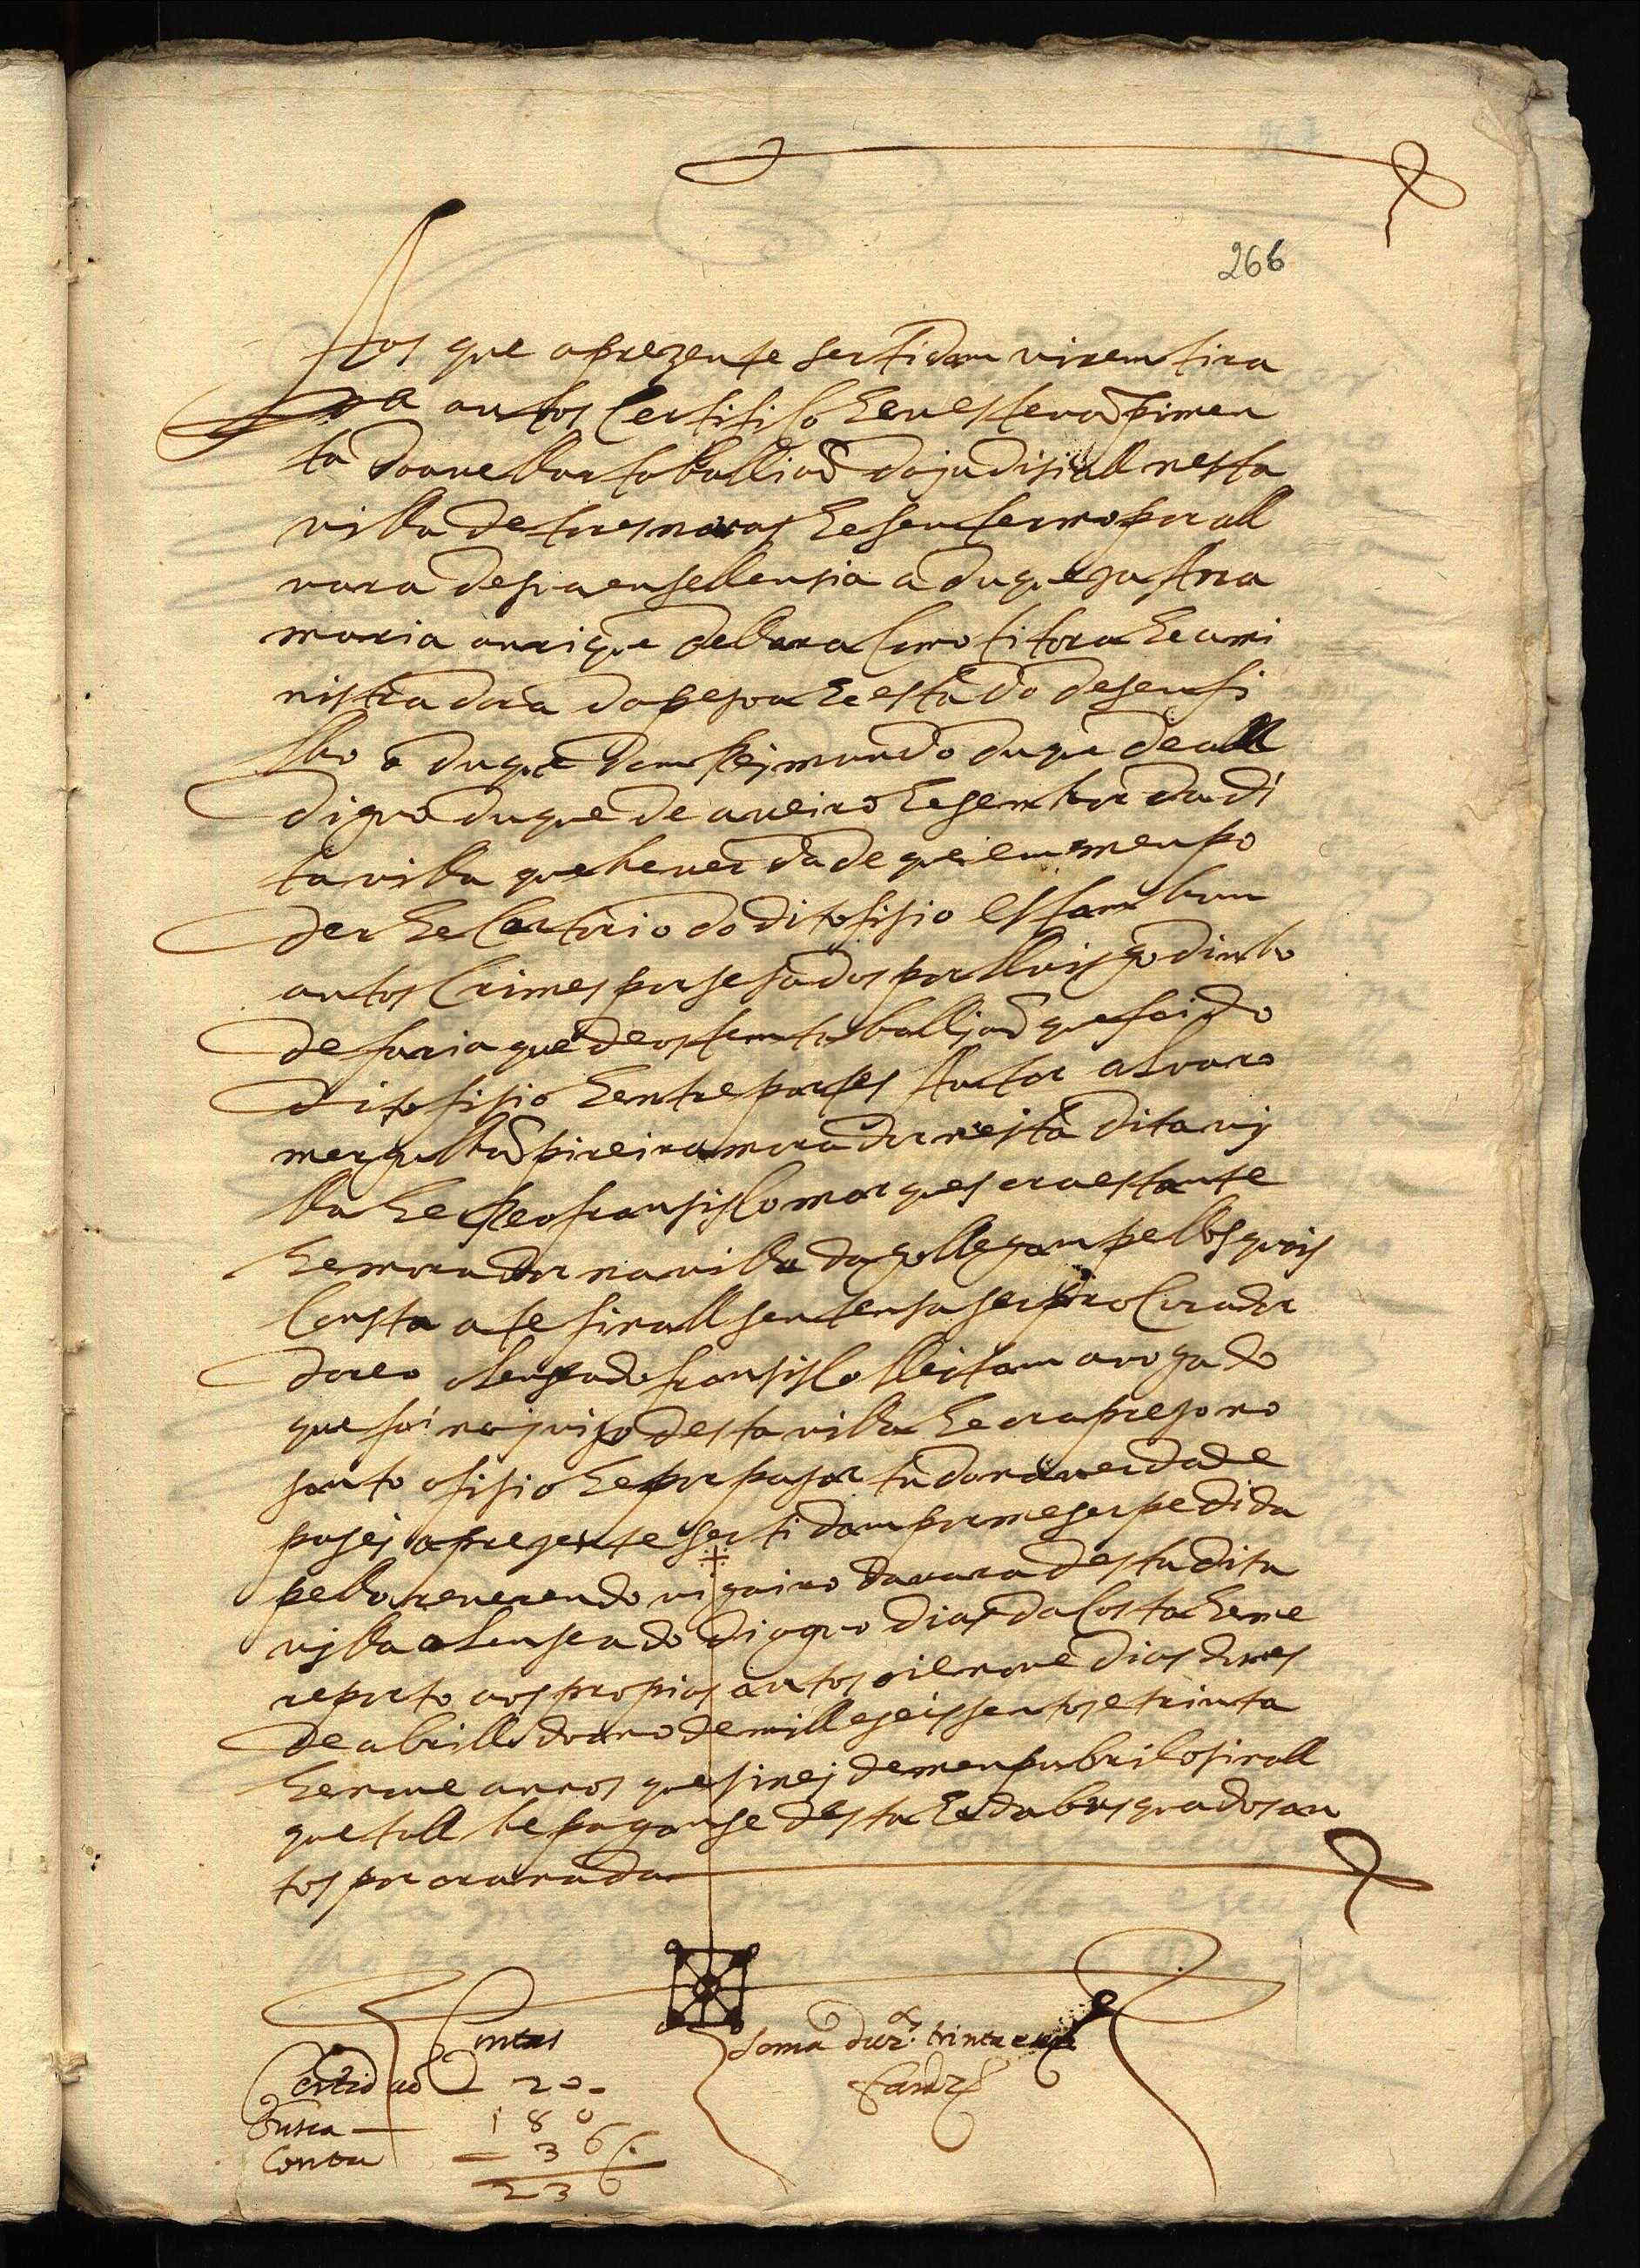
Aos que a prezente sertidam virem tira
da autos CertifiCo heu estevaõ pimen
ta do auellar taballiaõ do judisiall nesta
villa de tores novas he seu termo por all
vara de sua ensellensia a duqueza Ana
maria anrique de llara Como titora he ami
nistradora da pesoa he estado de seu fi
lho o duque dom Rajmundo duque de all
diguo duque de aueiro he senhor da di
ta villa que he uerdade que em meu po
der he Cartorio do ditofisio estam hum
autos Crimes porsesados por lluis godinho
de faria que deos tem taballjaõ que foi do
ditofisio hentre partes Autor alvaro
margulhaõ pireira morador nesta dita vy
lla he Reo fransisCo marques ora estante
he morador na villa da gollegam pellos quais
Consta ate finall sentensa ser proCurador
do reo o lenseado fransisCo lleitam avogado
que foi no juizo desta villa he ora prezo no
santo ofisio he por pasar tudo na verdade
pasei a prezente sertidam por me ser pedida
pello reuerendo vigairo da vara desta dita
vjlla o lenseado dioguo dias da Costa he me
reporto aos propios autos oie noue dias do mes
de abrill do ano de mill e seissentos e trimta
he noue annos que sinej de meu pubrico sinall
que tall he pagouse desta he da busqua dos au
tos por ora nada
Contas
Certidaõ - 20-
busca
i80
conta
36
236
soma duz.tos trinta e seis
